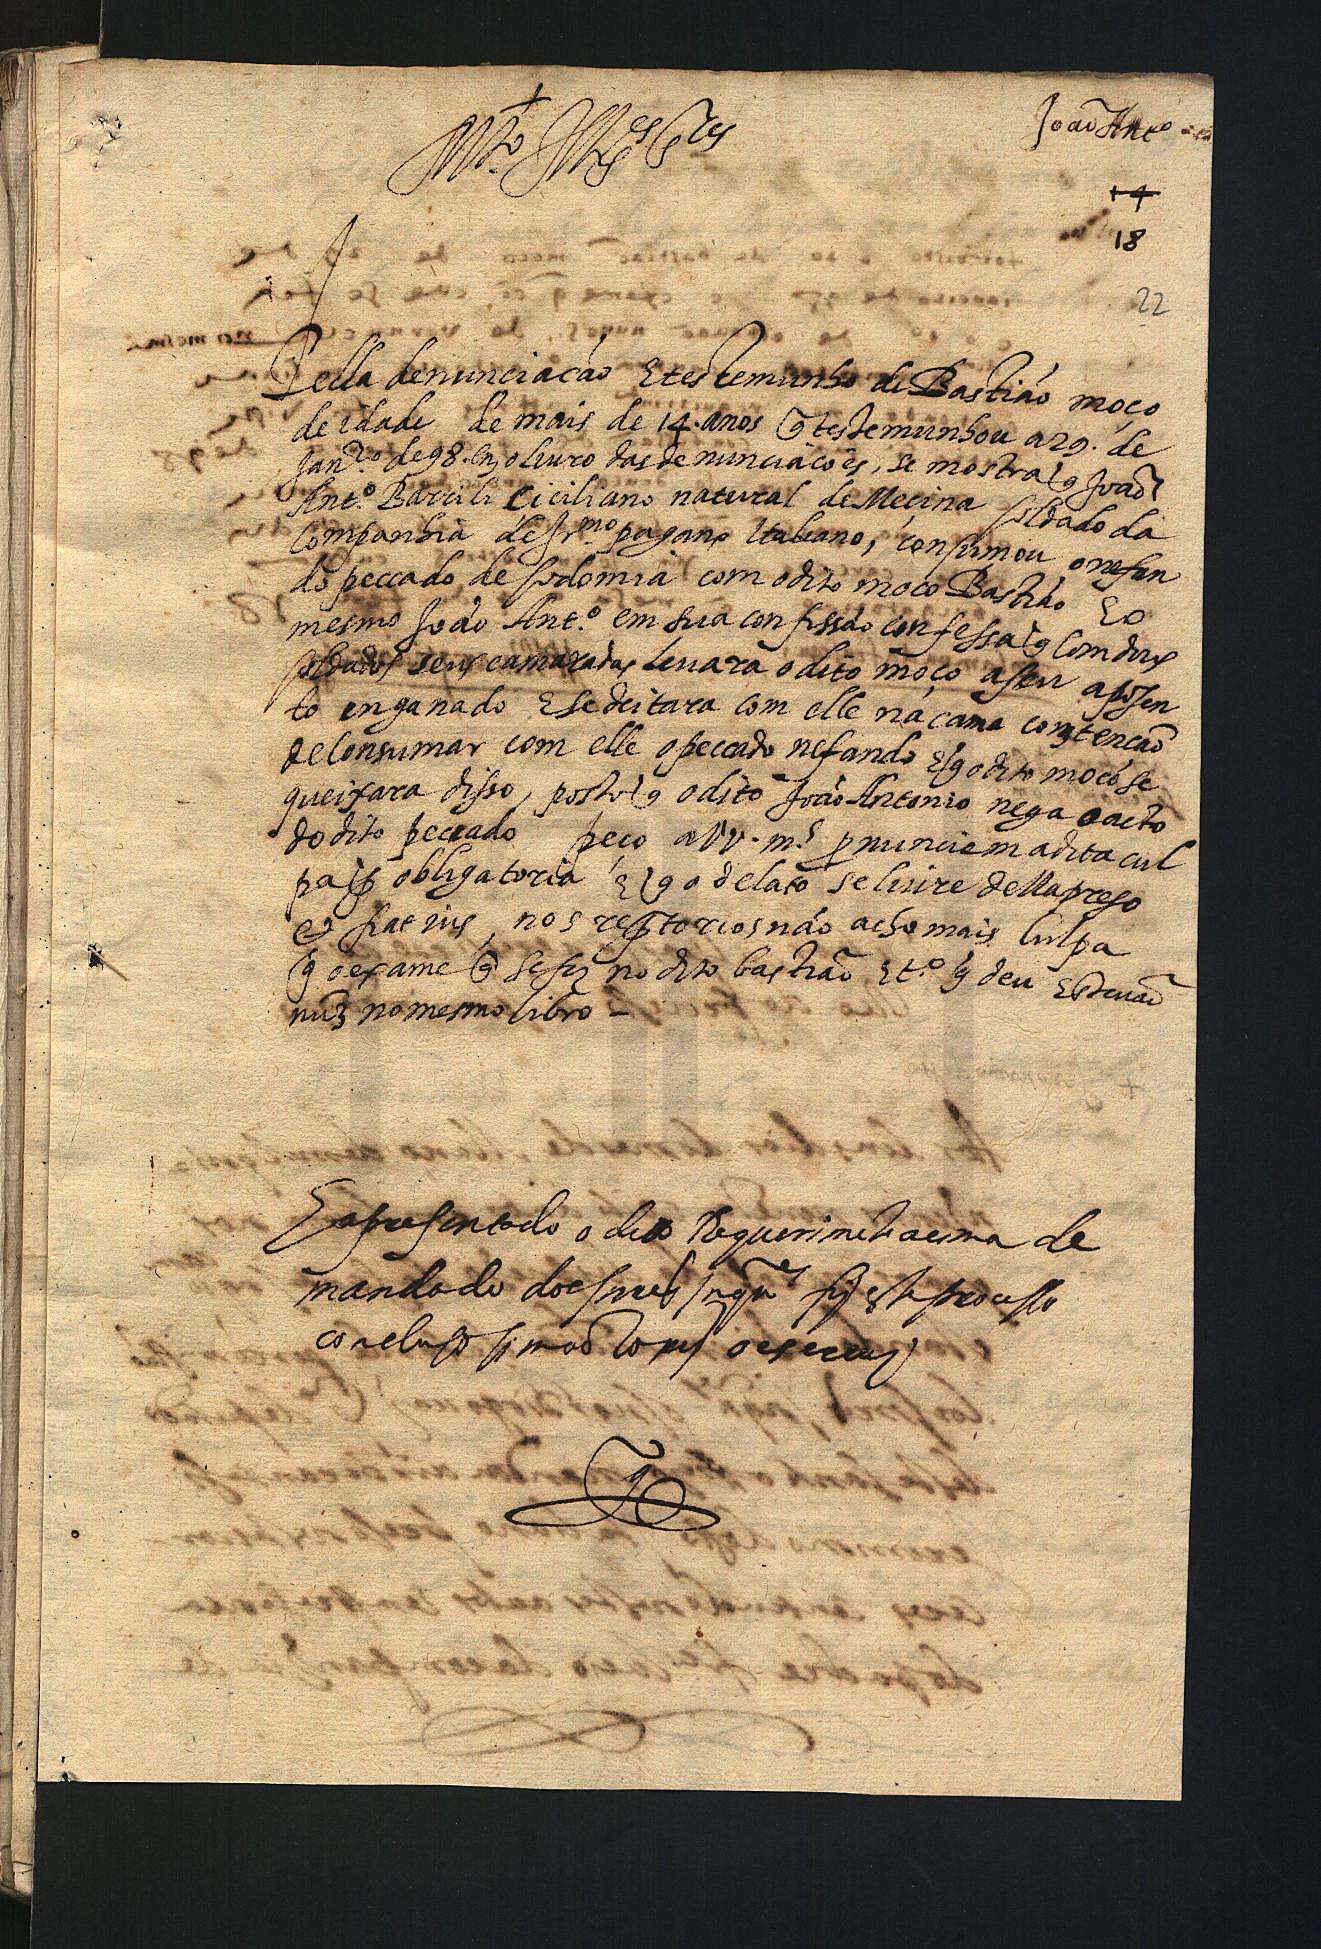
Joaõ Anto
Mto. Illrses sres
Pella denunçiacão E testemunho de Bastiaõ moço
de idade de mais de 14. anos q̄ testemunhou a 29. de
Jan.ro de 98. em o liuro das denunciacoes, se mostra q̄ Joaõ
Ant.o Barrili Çiciliano natural de Meçina soldado da
Companhia de Jr.mo pagano Italiano, consumou o nefan
do peccado de sodomia com o dito moco Bastião E o
mesmo João Ant.o em sua confissão confessa q̄ com dous
soldados seus camaradas leuara o dito moço a seu aposen
to enganado E se deitara com elle na cama com tençaõ
de consumar com elle o peccado nefando E q̄ o dito moco se
queixara disso, posto q̄ o dito Joaõ Antonio nega o acto
do dito peccado peço a VV. ms ꝓnunciem a dita cul
pa p̄ obligatoria E q̄ o delato se liure della preso
et fiat ius, nos rep̄torios não acho mais Culpa
q̄ o exame q̄ se fez no dito bastiaõ E t.o q̄ deu Esteuaõ
nūz no mesmo libro
E apresentado o ditto Requerimēto acima de
mandado dos snres̄ Jnqures fis este processo
concluso simaõ lopes o escreuj
